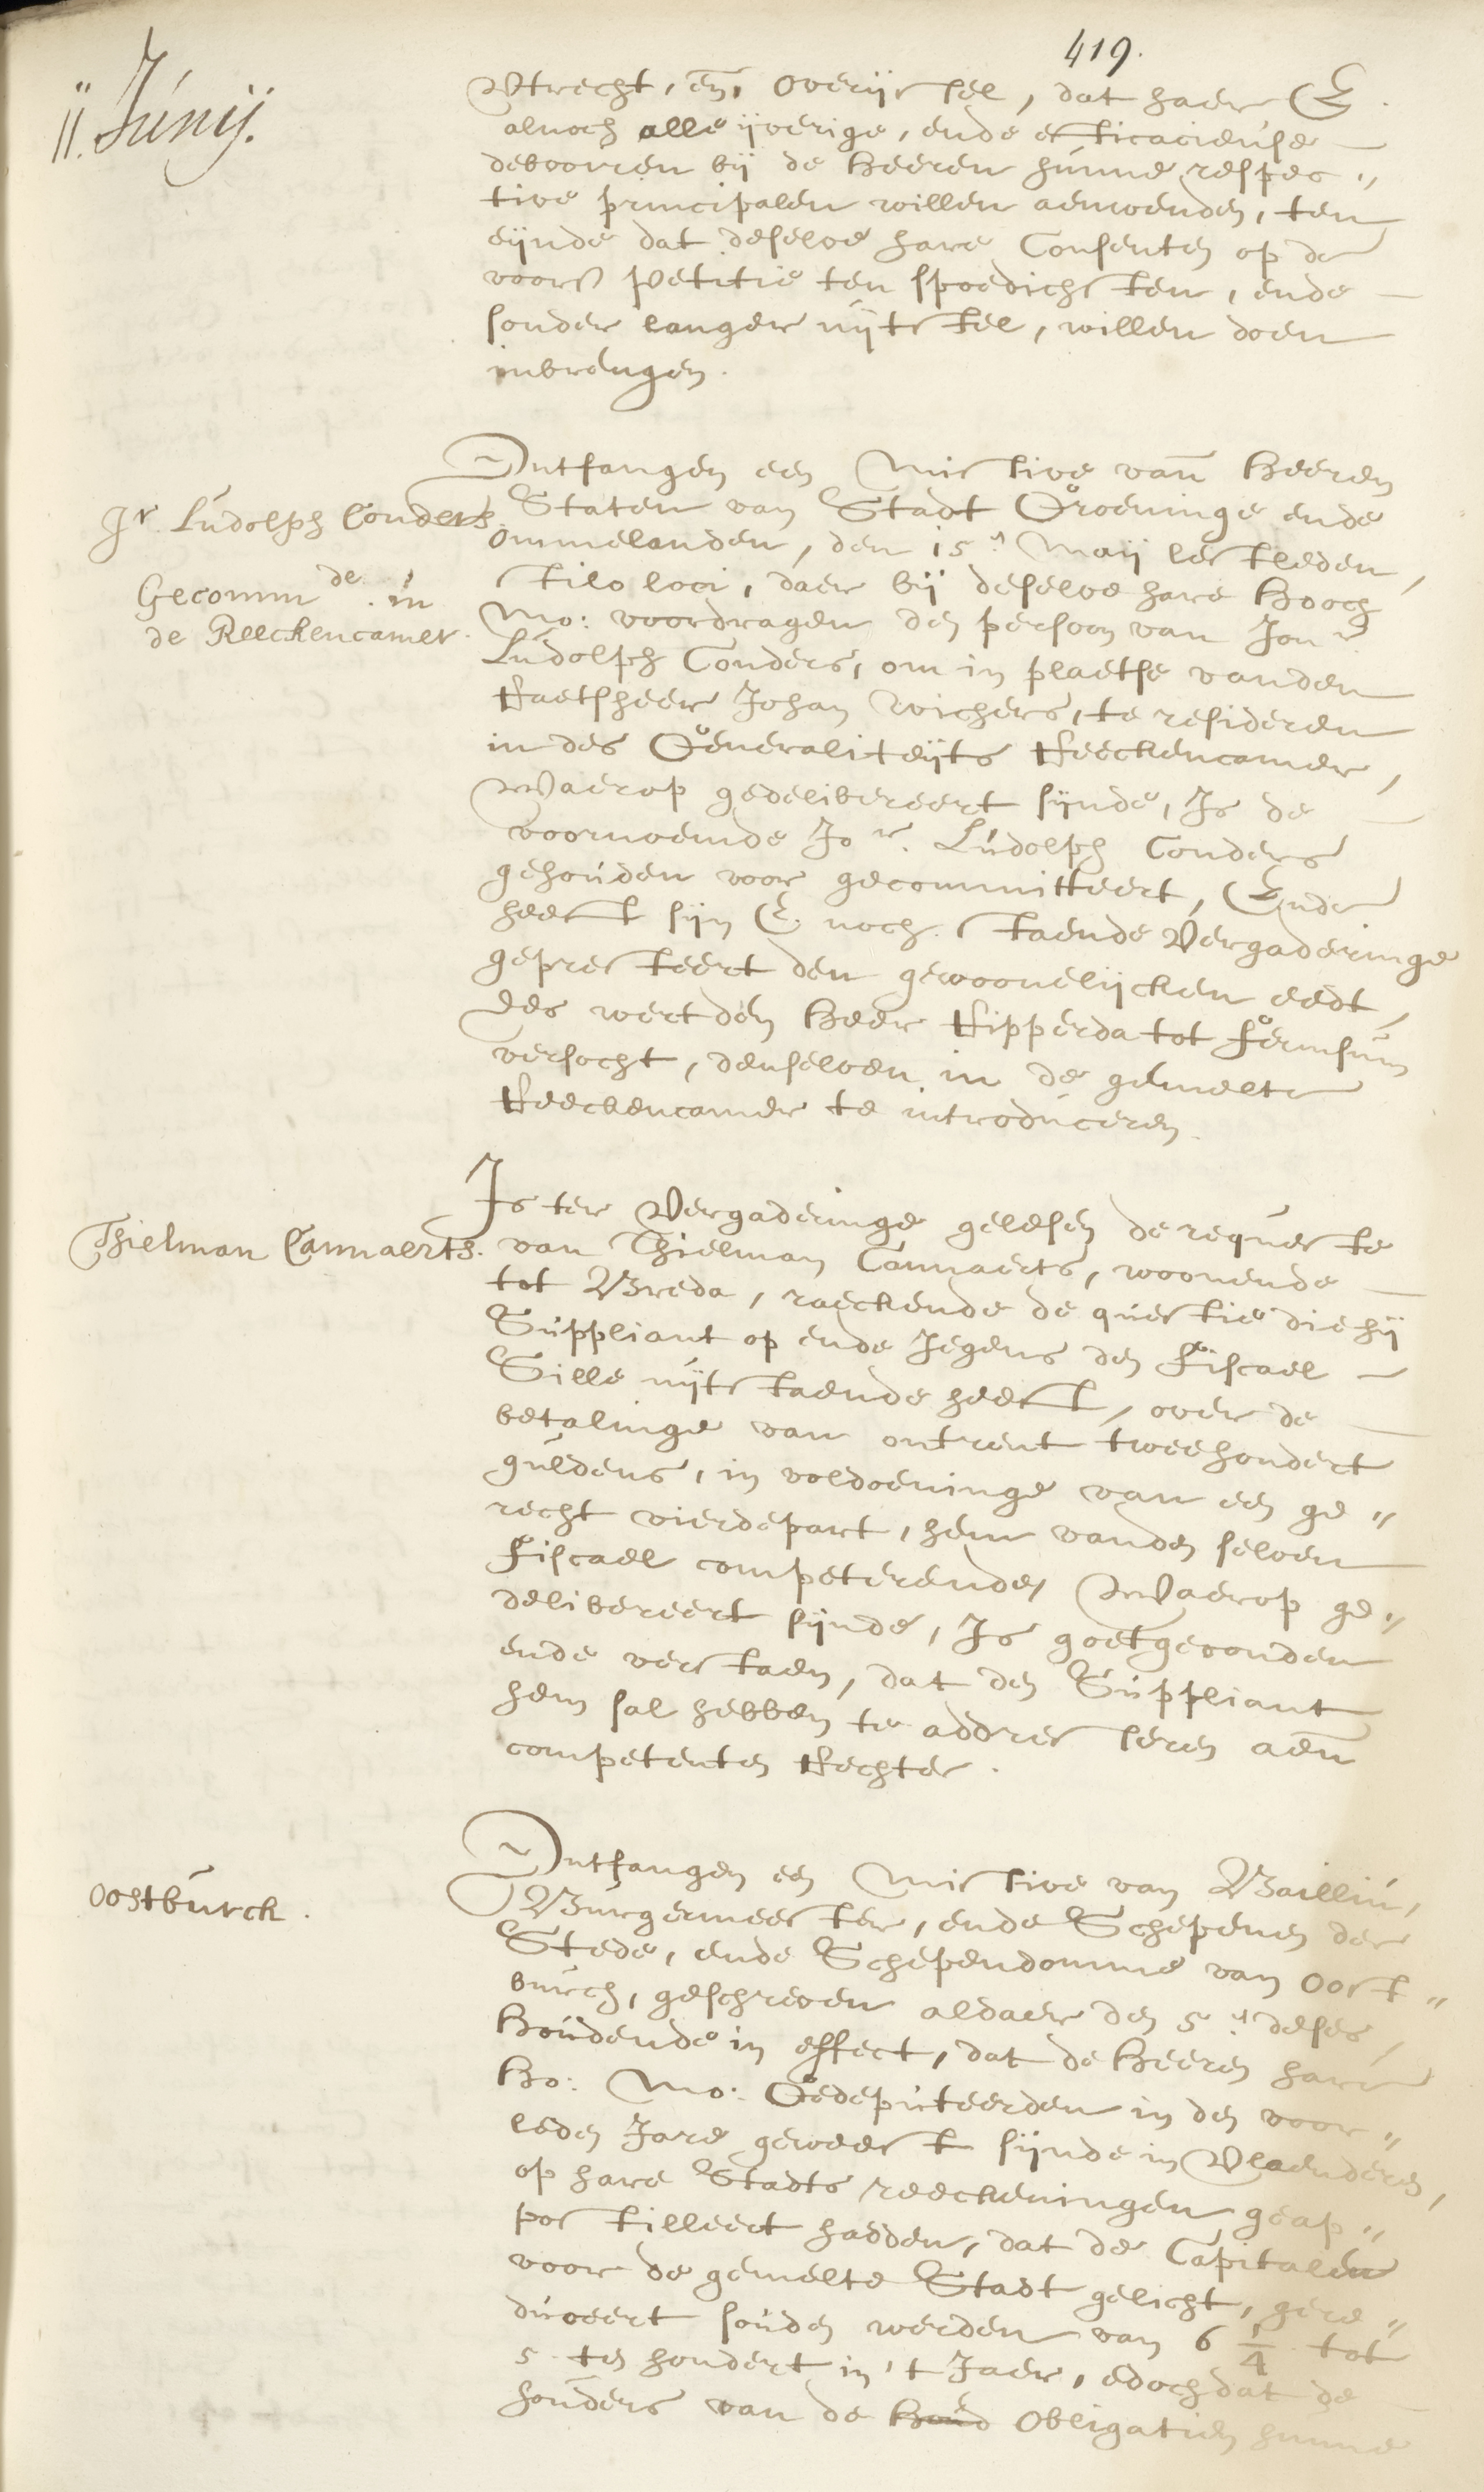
419.
11. Junij.
Utrecht, en Overijssel, dat haer E.
alnoch alle ijverige, ende efficacieuse
debvoiren bij de Heeren hunne respec„
tive principalen willen aenwenden, ten
eijnde dat deselve hare Consenten op de
voors Petitie ten spoedichsten, ende
sonder langer uijtstel, willen doen
inbrengen.
Jr. Ludolph Conders
Gecommde. in
de Reeckencamer.
Ontfangen een Missive van Heeren
Staten van Stadt Groeninge ende
Ommelanden, den 15en. Maij lestleden,
stilo loci, daer bij deselve hare Hooch
Mo: voordragen den persoon van Jonr.
Ludolph Conders, om in plaetse vanden
Raetsheer Johan wichers, te resideren
in des Generaliteijts Reeckencamer.
Waerop gedelibereert sijnde, Is de
voornoemde Jor. Ludolph Conders
gehouden voor gecommitteert, Ende
heeft sijn E. noch staende Vergaderinge
gepresenteert den gewoonelijcken eedt.
des wert den Heer Ripperda tot Fermsum
versocht, denselven in de gemelte
Reeckencamer te introduceren
Thielman Cannaerts.
Is ter Vergaderinge gelesen de requeste
van Thielman Cannaerts, woonende
tot Breda, raeckende de questie die hij
Suppliant op ende Jegens den Fiscael
Sille uijtstaende heeft, over de
betalinge van ontrent tweehondert
guldens, in voldoeninge van een ge„
recht vierdepart, hem vanden selven
Fiscael competerende. Waerop ge,,
delibereert sijnde, Is goetgevonden
ende verstaen, dat den Suppliant
hem sal hebben te addresseren aen
competenten Rechter.
Oostburch.
Ontfangen een Missive van Bailliu,
Burgermeester, ende Schepenen, der
Stede, ende Schependomme van Oost,,
burch, geschreven aldaer den 5en. deses,
houdende in effect, dat de heeren hare
Ho:Mo: Gedeputeerden in den voor„
leden Jare geweest sijnde in Vlaenderen,
op hare Stadts reeckeningen geap„
postilleert hadden, dat de Capitalen
voor de gemelte Stadt gelicht, gere„
duceert souden werden van 6¼ tot
5. ten hondert in‛ t Jaer, edoch dat de
houders van de houd obligatien hunne
